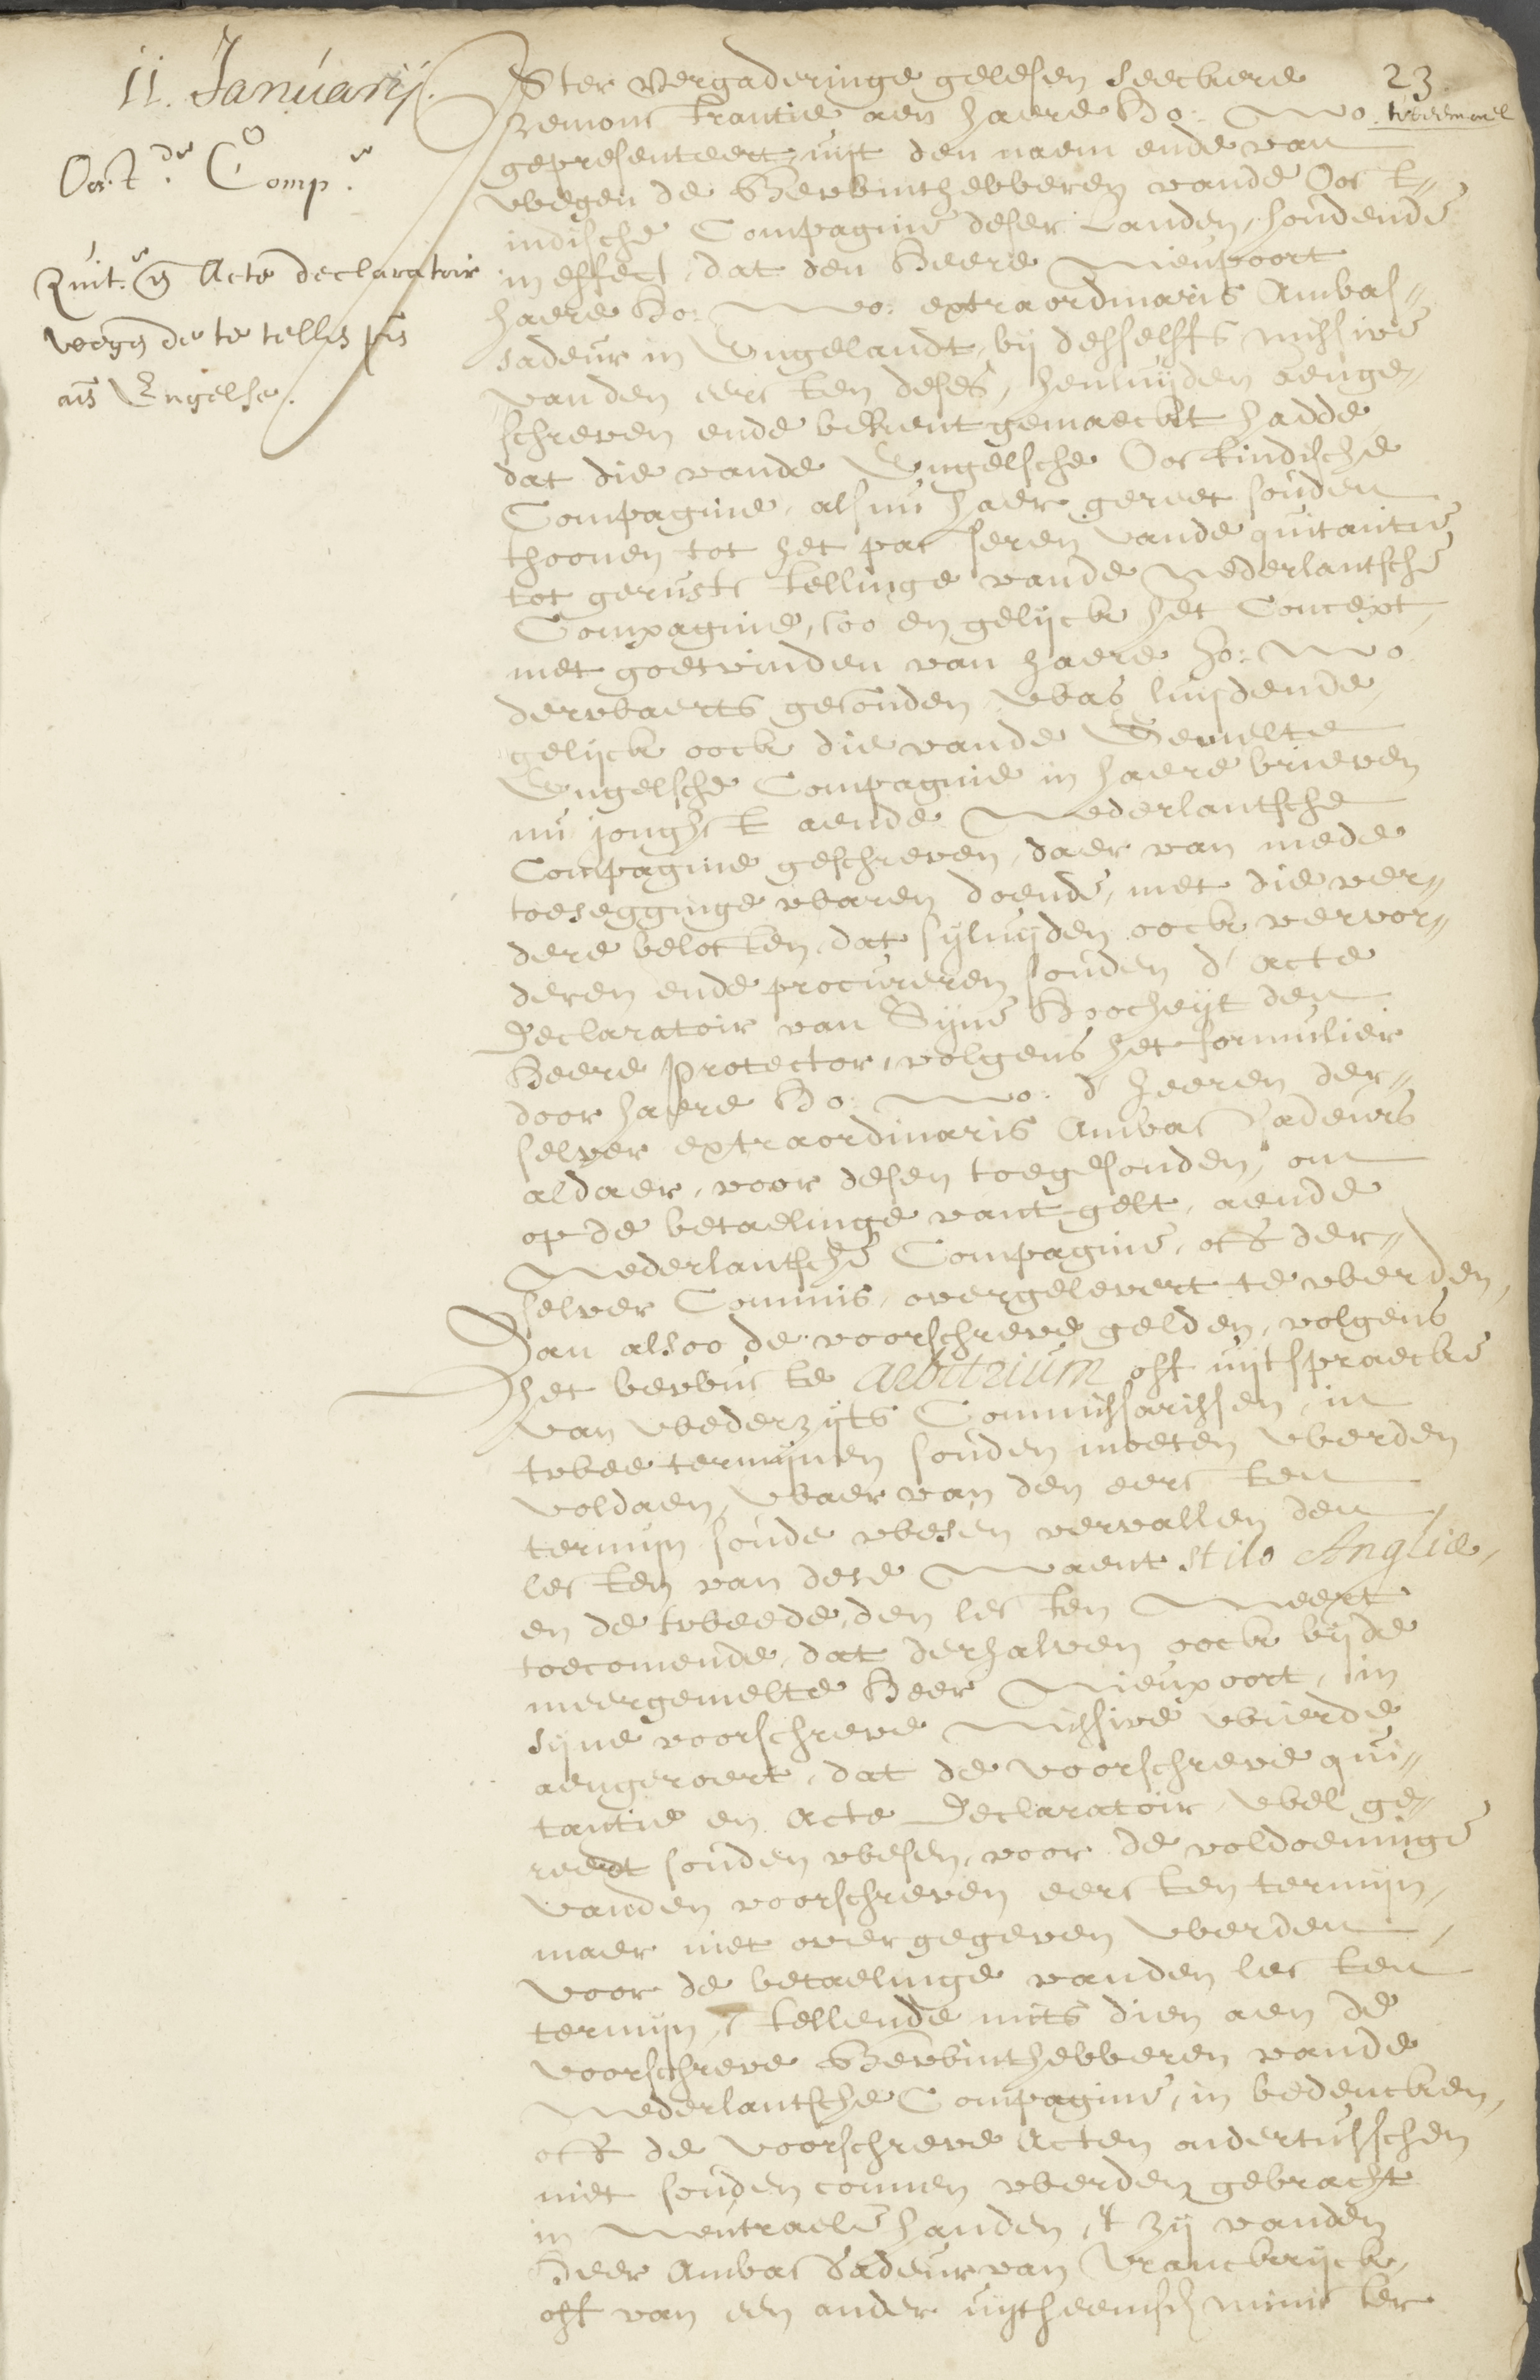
23
11. Januarij
Oost de Compe.
Quite. & Acte declaratoir
wegen de te tellen pn
aen Engelsche.
Is ter vergaderinge gelesen seeckere
remonstrantie aen Haere Ho:Mo: tweemael
gepresenteert, uijt den naem ende van
wegen de Bewinthebberen vande Oost„
indische Compagnije deser Landen, houdende
in effect, dat den heere Monfoort
haere Ho:Mo: extra ordinaris Ambas„
sadeur in Engelandt bij desselffs missive
van den eersten deses, henluijden aenge„
schreven ende bekent gemaeckt hadde
dat die vande Engelsche Oostindische
Compagnie, als nu haer gereet souden
thoonen tot het passeren vande quitantie
tot geruststellinge vande Nederlantsche
Compagnie, soo en gelijck het concept
met goetvinden van haere Ho:Mo:
derwaerts gesonden was luijdende
gelijck oock die vande Gemelte
Engelsche Compagnie in haere brieven
nu jonghst aende Nederlantsche
Compagnie geschreven daer van mede
toesegginge waren doende, met die ver„
dere beloften, dat sijluijden oock vervor„
deren ende procureren souden d'acte
Declaratoir van Sijne Hoocheijt den
Heere protector, volgens het formulier
door haere Ho:Mo: d'heeren der„
selver extraordinaris Ambassadeurs
aldaer, voor desen toegesonden, om
op de betaelinge vant gelt, aende
Nederlantsche Compagnie off der„
selver Commis overgelevert te werden.
Dan alsoo de voorschreve gelden, volgens
het bewuste arbitrium off uijtspraecke
van wederzijts commissarissen, in
twee termijnen souden moeten werden
voldaen, waervan den eersten
termijn soude wesen vervallen den
lesten van dese maent stilo Anglie,
en de tweede, den lesten Meert
toecomende. dat derhalven oock bij de
meergemelte Heer Nieupoort, in
sijne voorschreve missive wierde
aengeroert, dat de voorschreve qui„
tantie en acte Declaratoir wel ge„
reedt souden wesen, voor de voldoeninge
vanden voorschreven eersten termijn,
maer niet overgegeven werden
voor de betaelinge vanden lesten
termijn, stellende mits dien aen de
voorschreve Bewinthebberen vande
Nederlantsche Compagnie, in bedencken,
off de voorschreve acten ondertusschen
niet souden connen werden gebracht
in neutraele handen, 't zij vanden
heer ambassadeur van Vranckrijck,
off van een ander uytheemsche minister
